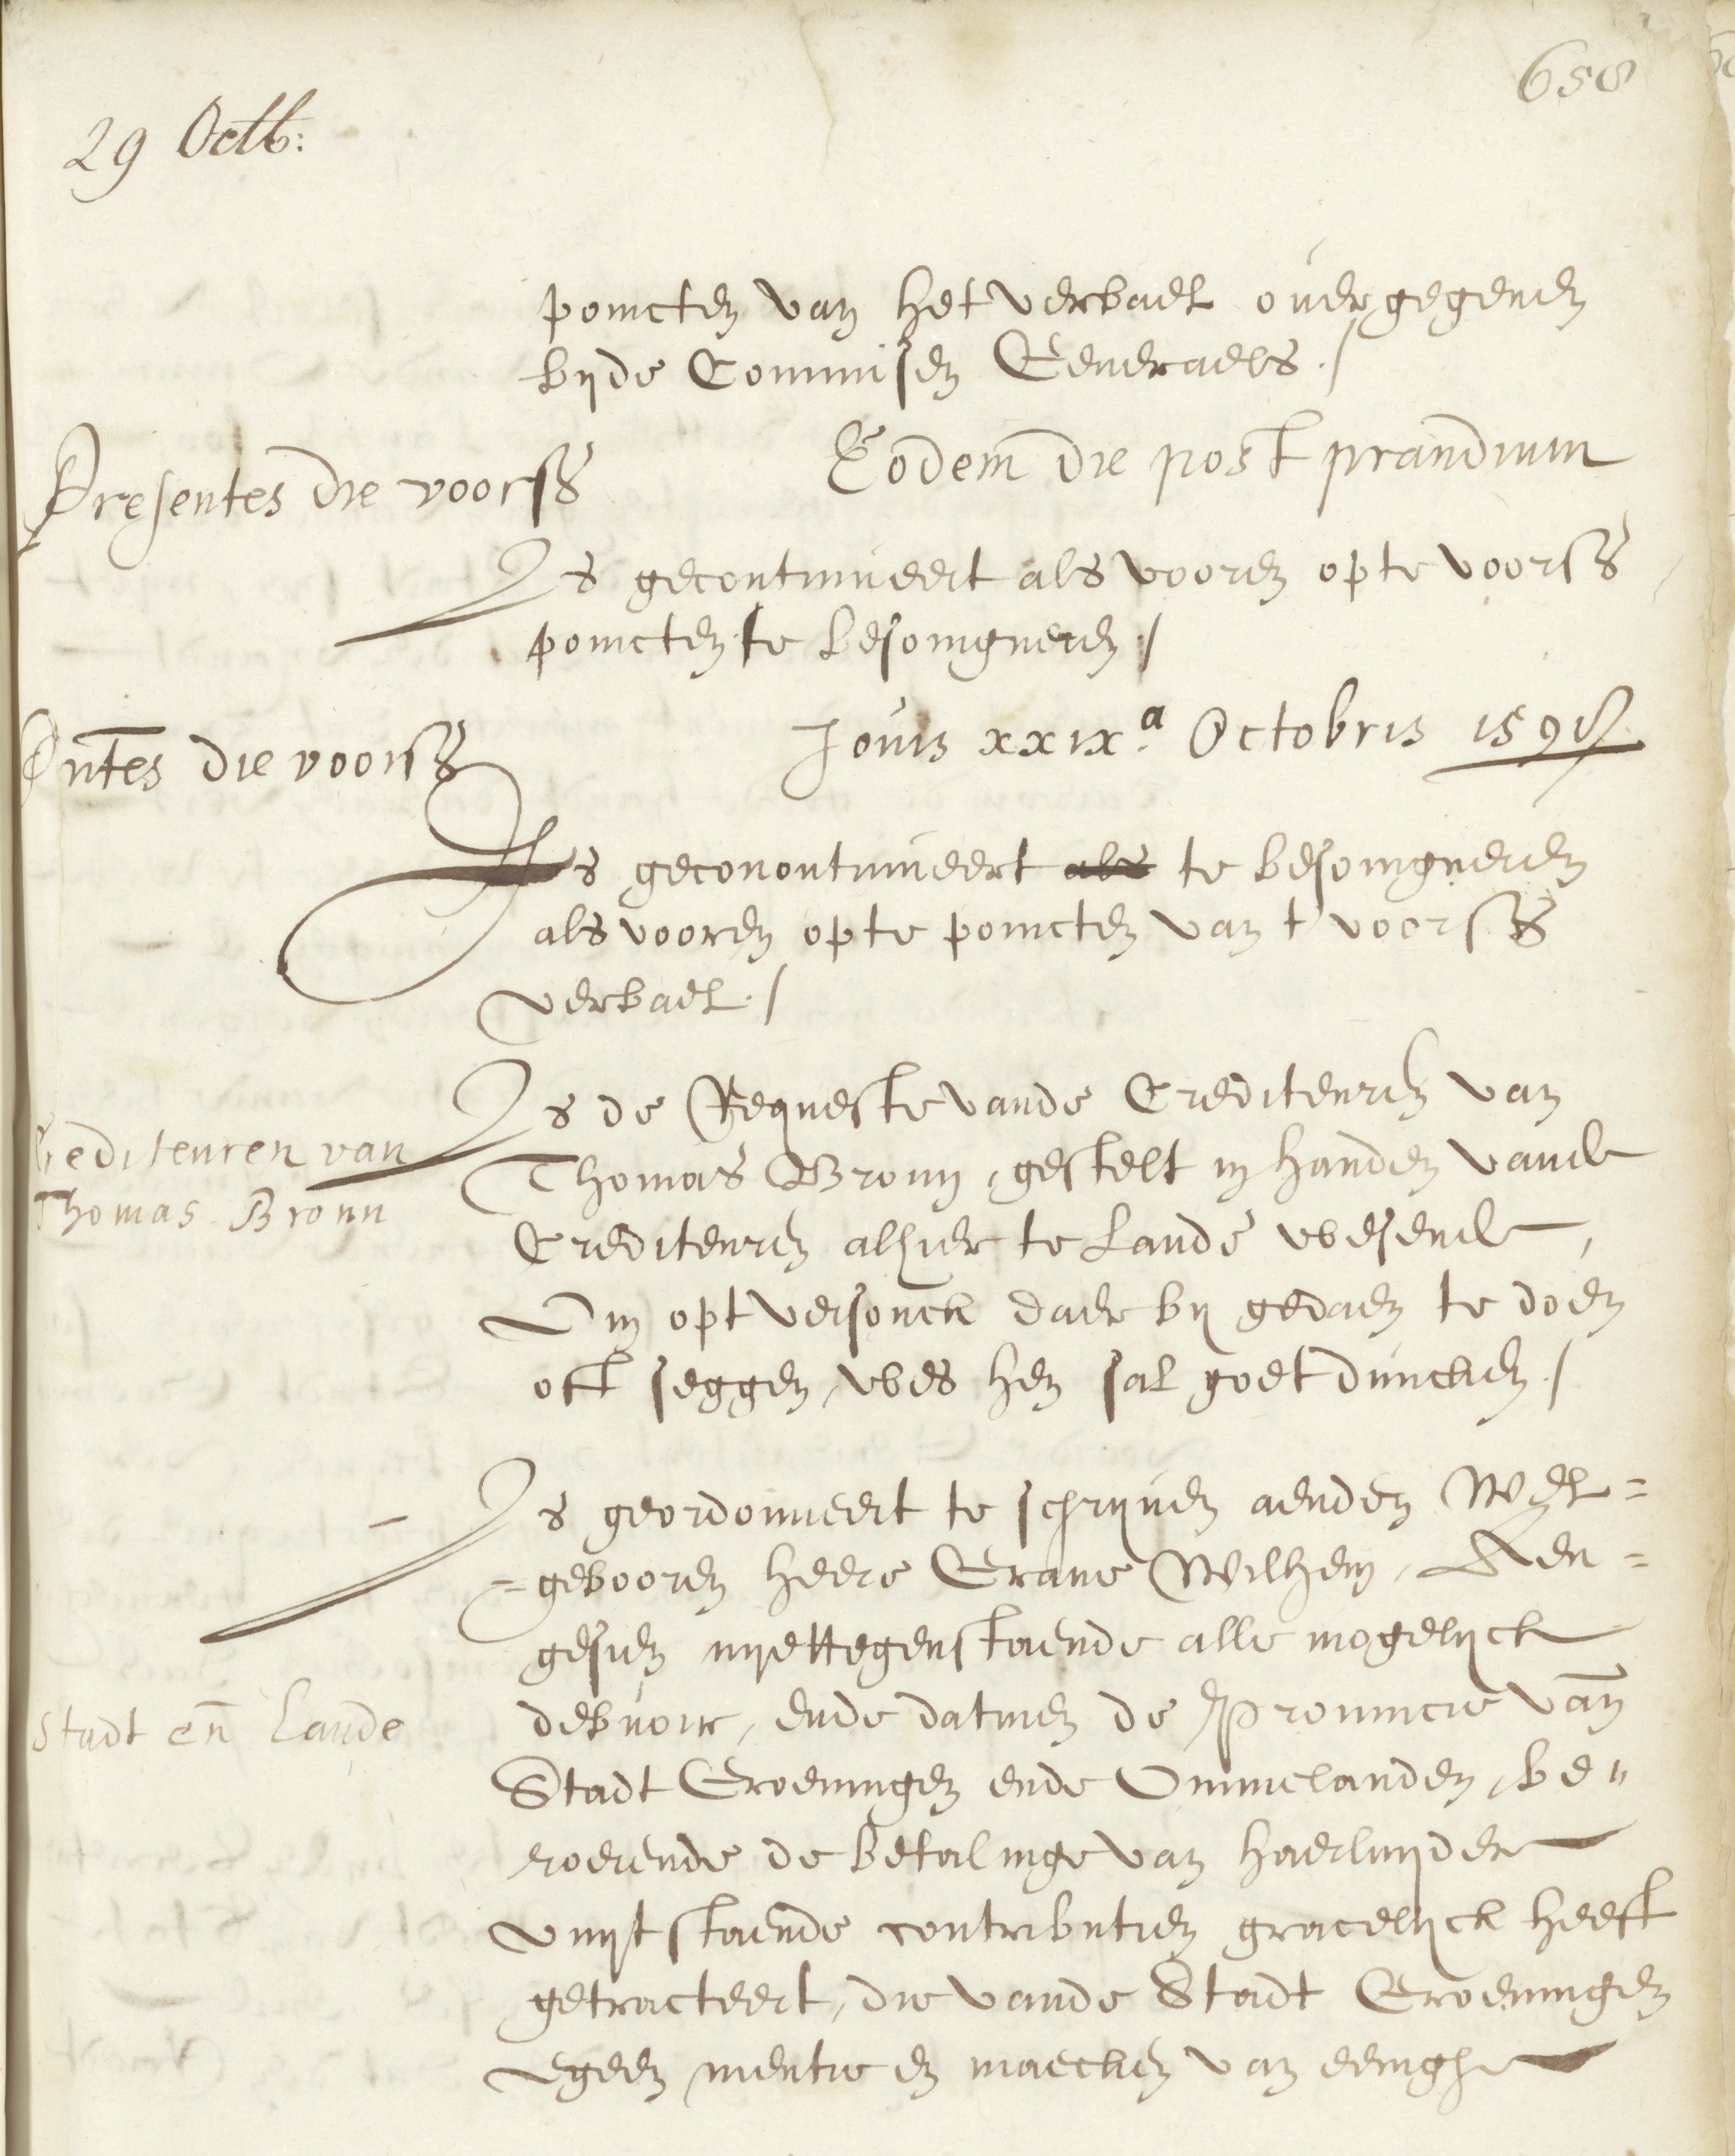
658
29 Octb:
poincten van het verbael ouergegeven
byde Commisen Generaels.
Eodem die post prandium
Presentes die voors
Is gecontinueert als vooren opte voors
poincten te Resoingneren.
Jouis xxixa Octobris 1598
Pntes die voors
Is geconontinueert als te besoingneren
als vooren opte poincten van t'voors
verbael.
Crediteuren van
Thomas Broun
Is de Requeste vande Crediteuren van
Thomas Broun, gestelt in handen vande
crediteuren alhier te Lande wesende
Om opt versouck daer by gedaen te doen
off seggen, wes hen sal goetduncken.
Stadt en Lande
Is geordonneert te schryuen aenden Wel=
gebooren heere Graue Wilhem, Aen=
gesien nyettegenstaende alle mogelijck
debuoir, ende datmen de Prouincie van
Stadt Groeningen ende Ommelanden, be„
roerende de betalinge van haerluyder
vuytstaende contributien gracelyck heeft
getracteert, die vande Stadt Groeningen
egeen mentio en maecken van eenighe
